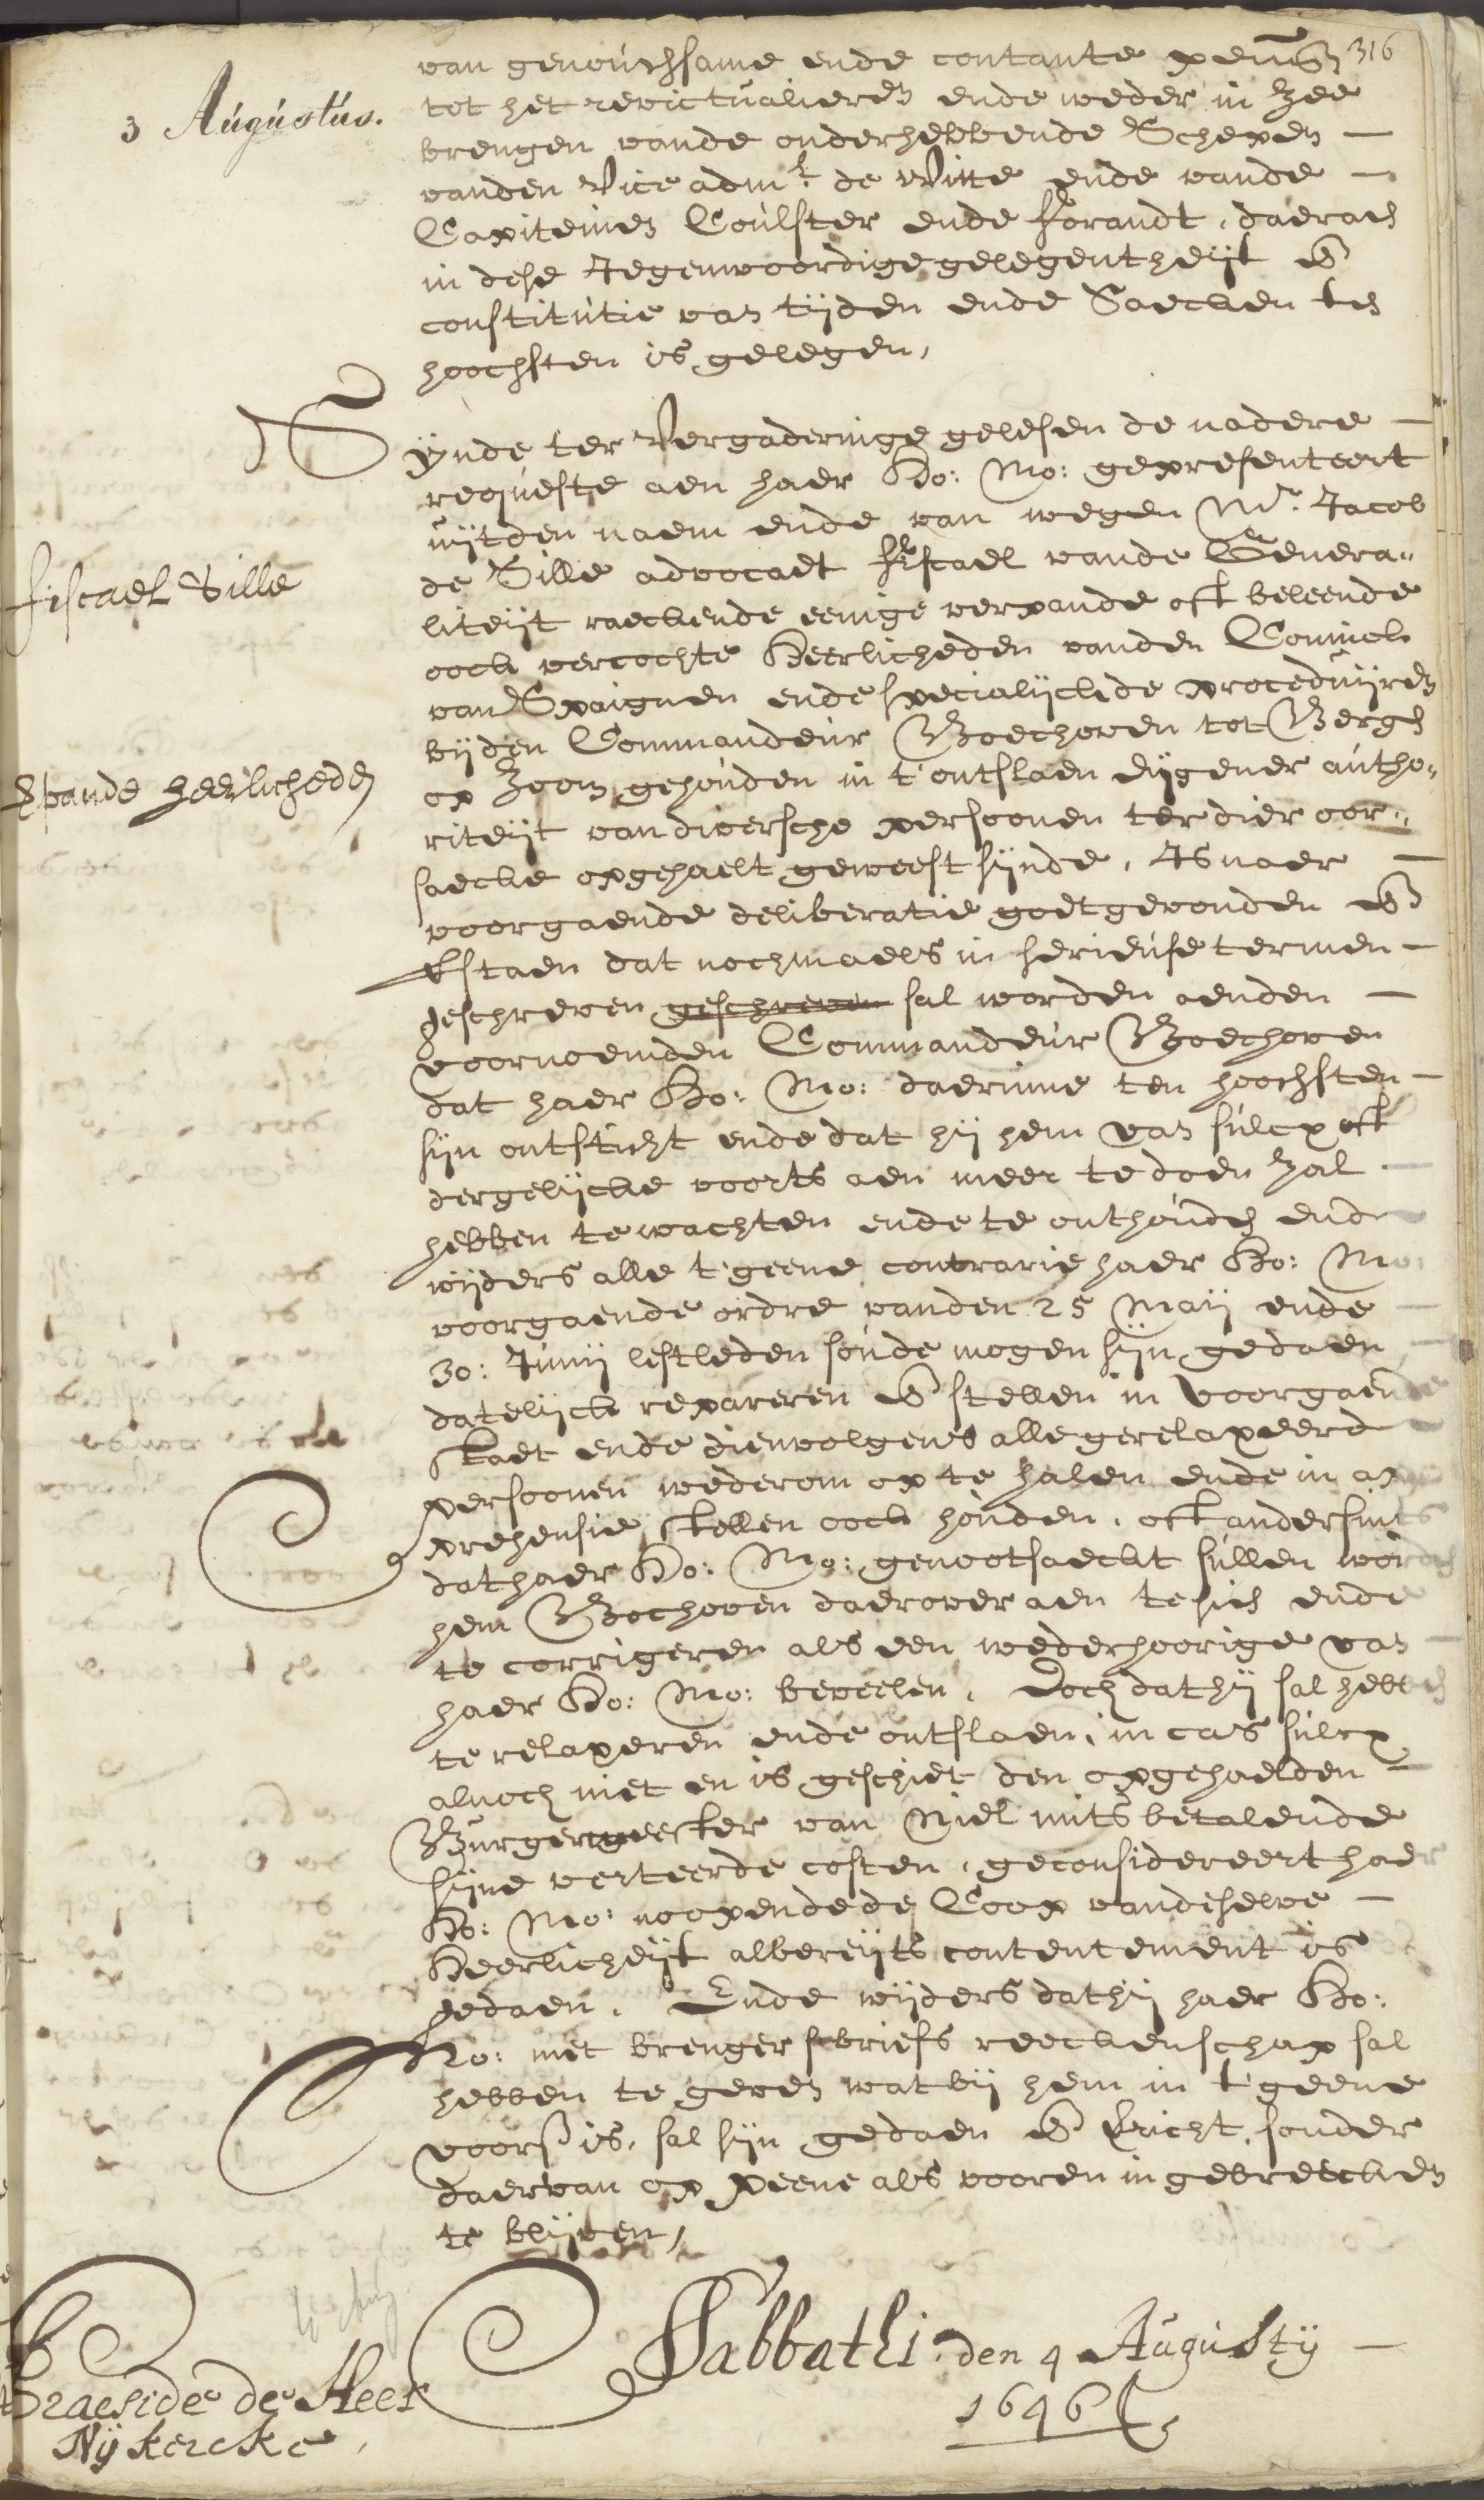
316
3 Augustus.
van genouchsame ende contante penn
tot het revictualieren ende weder in Zee
brengen vande onderhebbende Schepen -
vanden Vice adml. de Witte ende vande —
Capiteinen Coulster ende Forandt, daeraen
in dese Jegenwoordige gelegentheijt en
constitutie van tijden ende Saecken ten
hoochsten is gelegen.
fiscael Sille
vpande heerlicheden
Sijnde ter Vergaderinge gelesen de nadere
requeste aen haer Ho:Mo: gepresenteert
uijt den naem ende van wegen Mr. Jacob
de Sille advocaet Fiscael vande Genera„
liteijt raeckende eenige verpande off beleende
oock vercochte Heerlicheden vanden Coninck
van Spaignen ende specialijck de proceduijren
bij den Commandeur Boechoven tot Bergen
op Zoom gehouden in t‛ontslaen eijgener autho„
riteijt van diversche persoonen ter dier oor„
saecke opgehaelt geweest sijnde. Is naer
voorgaende deliberatie goetgevonden &
vstaen dat nochmaels in serieuse termen -
geschreven geschreven sal worden aenden
voornoemden Commandeur Boechoven
dat haer Ho:Mo: daerinne ten hoochsten
sijn ontsticht ende dat hij hem van sulcx off
dergelijcke voorts aen meer te doen zal
hebben te wachten ende te onthouden ende
wijders alle t‛geene contrarie haer Ho:Mo:
voorgaende ordre vanden 25 Maij ende
30: Junij lestleden soude mogen sijn gedaen,
datelijck repareren en stellen in voorgaende
staet ende dienvolgens alle gerelaxeerde
persoonen wederom op te halen ende in ap„
prehensie stellen oock houden, off andersints
dat haer Ho:Mo: genootsaeckt sullen worden
hem Bochoven daerover aen te sien ende
te corrigeren als een wederhoorige van
haer Ho:Mo: beveelen. Doch dat hij sal hebben
te relaxeren ende ontslaen, in cas sulcx
alnoch niet en is geschiet den opgehaelden -
Burgermeester van Niel mits betalende
sijne verteerde costen, geconsidereert haer
Ho:Mo: noopende de Coop van deselve
Heerlicheijt albereijts contentement is
gedaen. Ende wijders dat hij haer Ho:
Mo: met brenger s‛briefs reeckenschap sal
hebben te geven wat bij hem in t‛ geene
voors is, sal sijn gedaen en vricht, sonder
daervan op peene als vooren in gebreecken
te blijven.
Præside de Heer
Nijkercke.
Sabbatli, den 4 Augustij
1646
